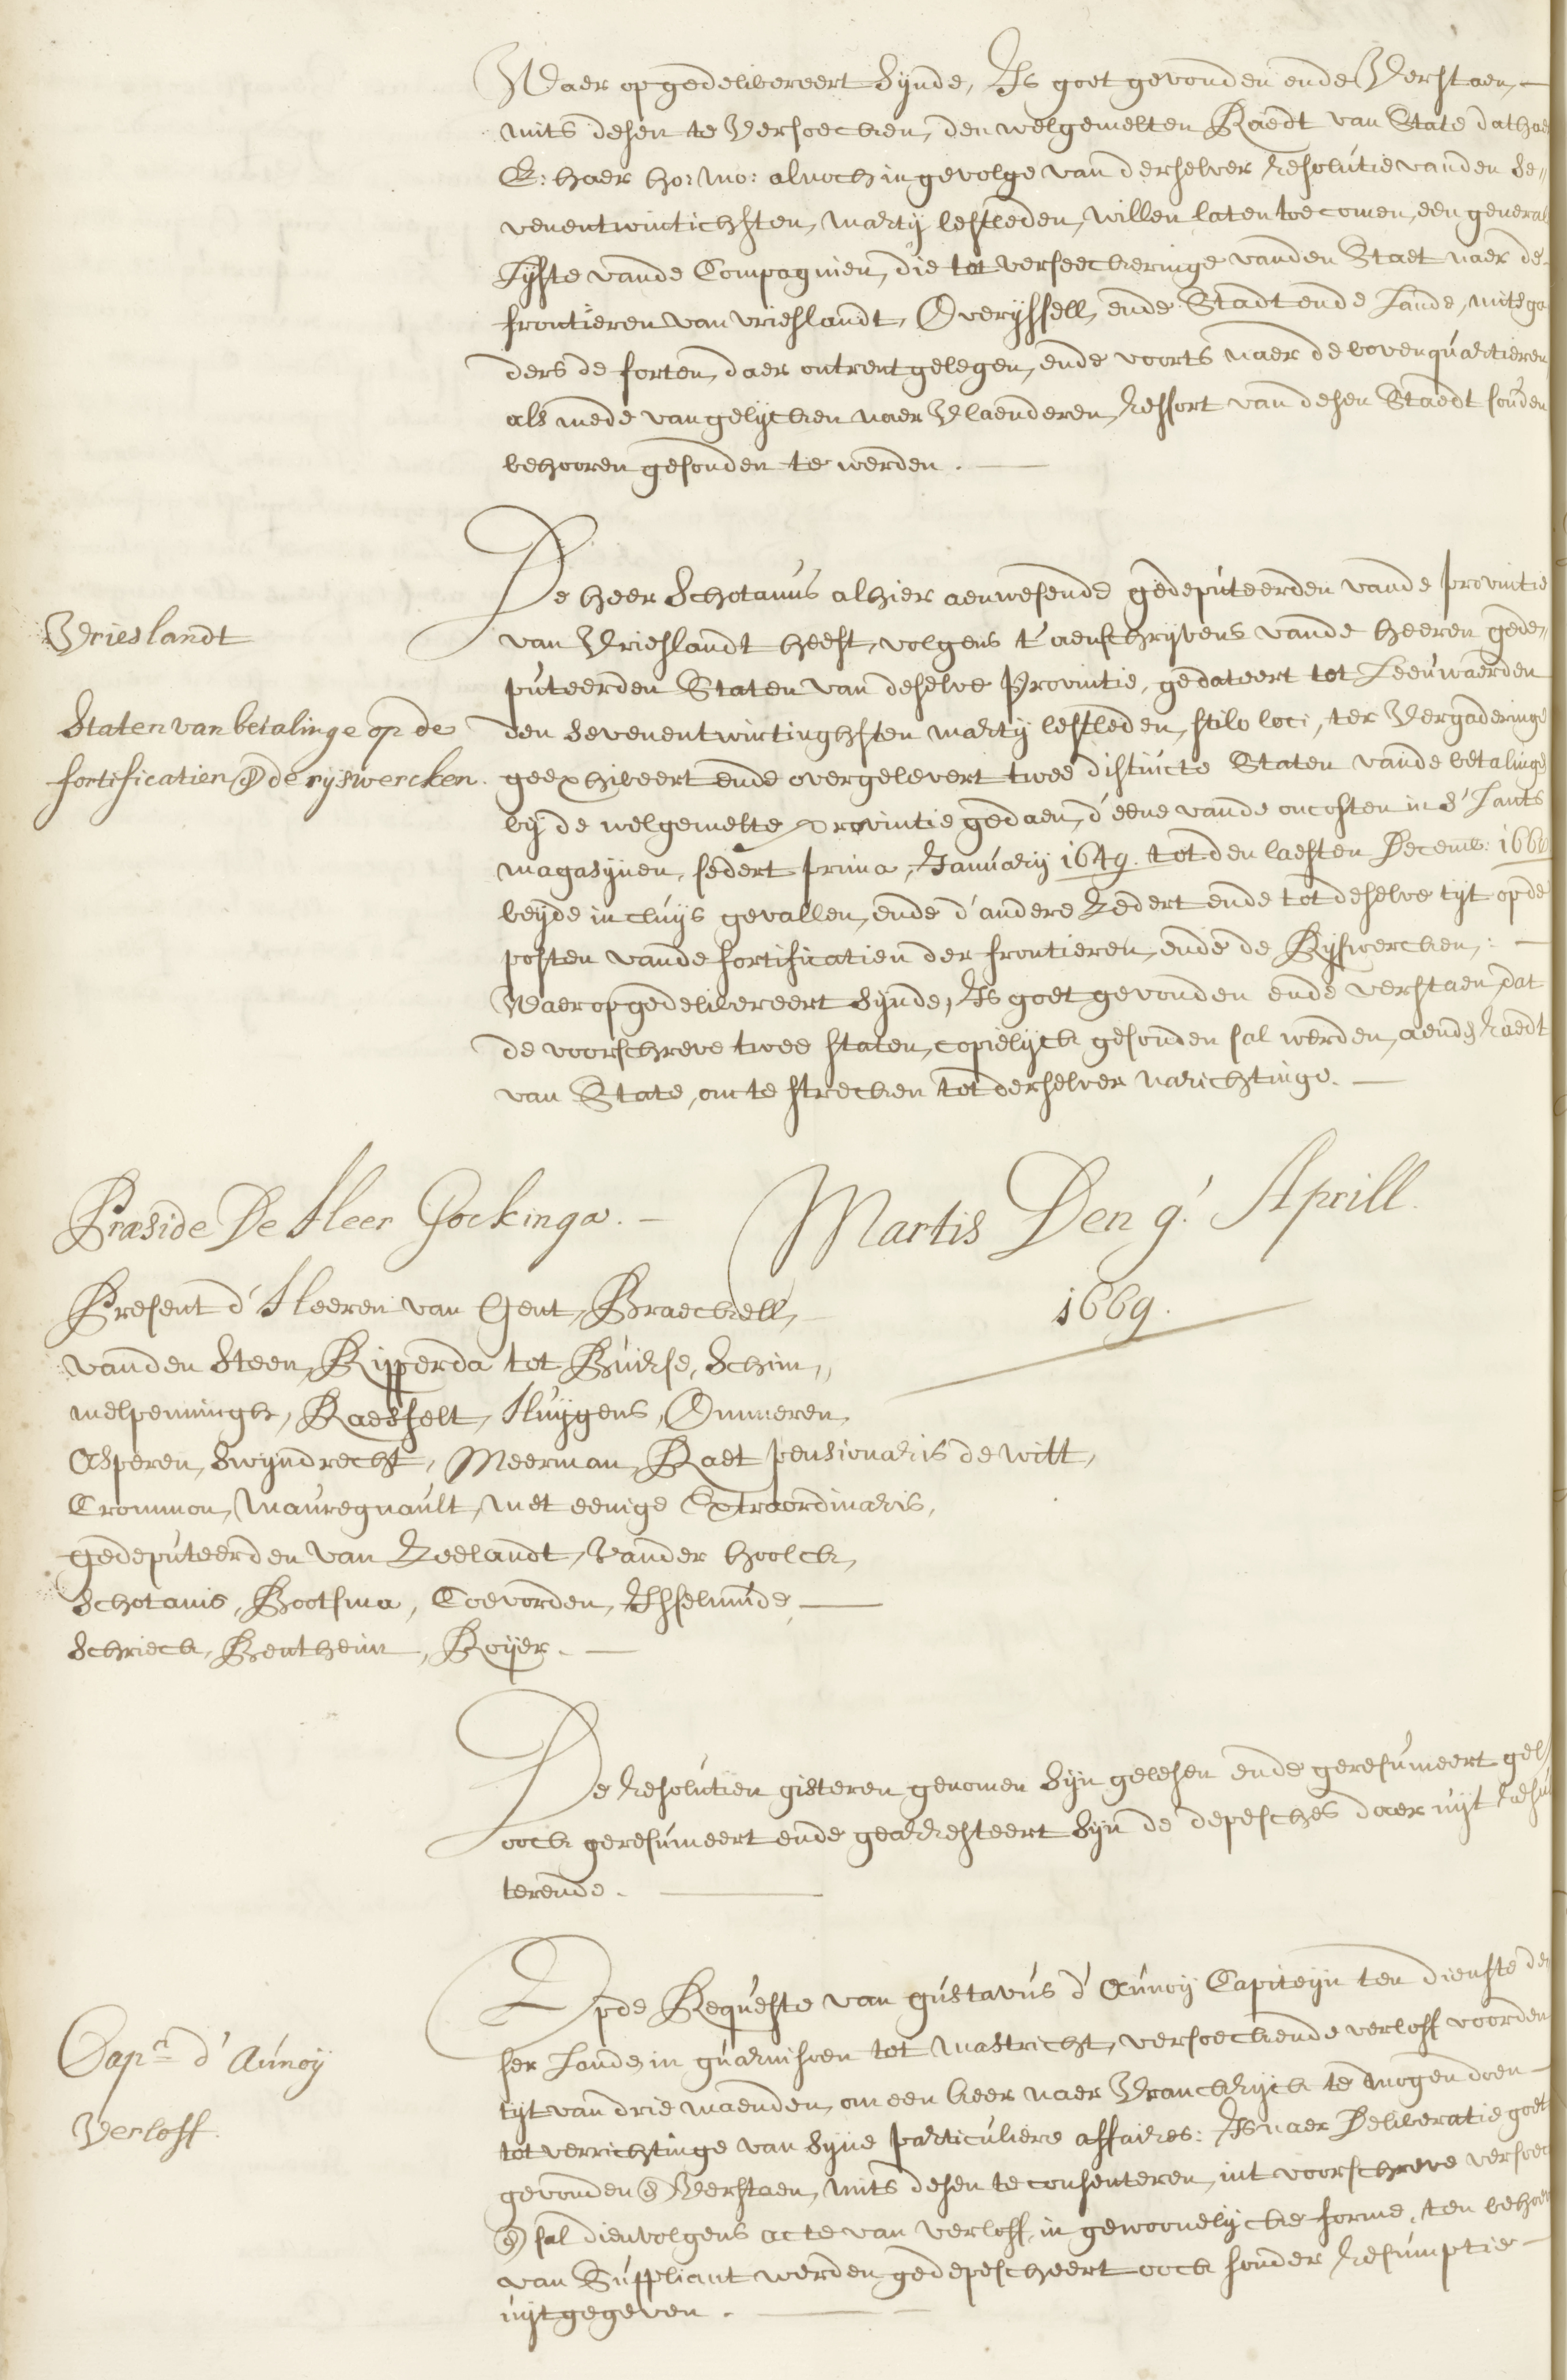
Waer op gedelibereert Sijnde, Is goetgevonden ende Verstaen,
mits desen te versoecken den welgemelten Raedt van State dat haer
E: haer Ho:Mo: alnoch ingevolge van derselver resolutie vanden se„
venentwintichsten martij lestleden willen laten toecomen een general
Lijste vande Compagnien, die tot verseeckeringe vanden Staet naer de
frontieren van vrieslandt, Overijssell, ende Stadt ende Lande, mitsga„
ders de forten daer ontrent gelegen ende voorts naer de bovenquartieren
als mede van gelijcken naer Vlaenderen ressort van desen Staedt souden
behooren gesonden te werden.
Vrieslandt
Staten van betalinge op de
fortificatien & de rijswercken.
De heer Schotanus alhier aenwesende gedeputeerden vande provintie
van Vrieslandt heeft, volgens t'aenschrijvens vande heeren gede„
puteerden Staten van deselve Provintie, gedateert tot Leeuwaerden
den sevenentwintinghsten martij lestleden stilo loci, ter Vergaderinge
geexhibeert ende overgelevert twee distincte Staten vande betalinge
bij de welgemelte provintie gedaen, d'eene vande oncosten in s'Lants
magasijnen, sedert prima, Januarij 1649. tot den laesten Decemb: 1660
beijde incluijs gevallen ende d'andere Zedert ende tot deselve tijt opde
posten vande fortificatien der frontieren ende de Rijswercken: —
Waerop gedelibereert sijnde, Is goetgevonden ende verstaen dat
de voorschreve twee staten copielijck gesonden sal werden aenden raedt
van State, om te strecken tot derselven narichtinge. —
Martis Den 9’. Aprill.
1669.
Præside De Heer Gockinga.
Present d'Heeren van Gent, Braeckell,
vanden Steen, Ripperda tot Buirse, Schim„
melpenningh, Raesfelt, Huijgens, Ommeren,
Asperen, Swijndrecht, Meerman, Raet pensionaris de witt,
Crommon, Mauregnault, met eenige Extraordinaris,
gedeputeerden van Zeelandt, vander Hoolck,
Schotanis, Bootsma, Coevorden, Isselmude,
Schrieck, Bentheim, Roijer.
De resolutien gisteren genomen sijn gelesen ende geresumeert gel
oock geresumeert ende gearresteert sijn de depesches daer uijt resu[l„]
terende.
Capn. d'Aunoij
Verloff
Opde Requeste van Gustavus d'Aunoij Capiteijn ten dienste de„
ser Landen in guarnisoen tot mastricht, versoeckende verloff voor den
tijt van drie maenden om een keer naer Vranckrijck te mogen doen —
tot verrichtinge van sijne particuliere affaires: Is naer Deliberatie goet
gevonden & verstaen, mits desen te consenteren int voorschreve versoec
& sal dienvolgens acte van verloff, in gewoonelijcke forme, ten behoe
van Suppliant werden gedepescheert oock sonder resumptie —
uijtgegeven.
